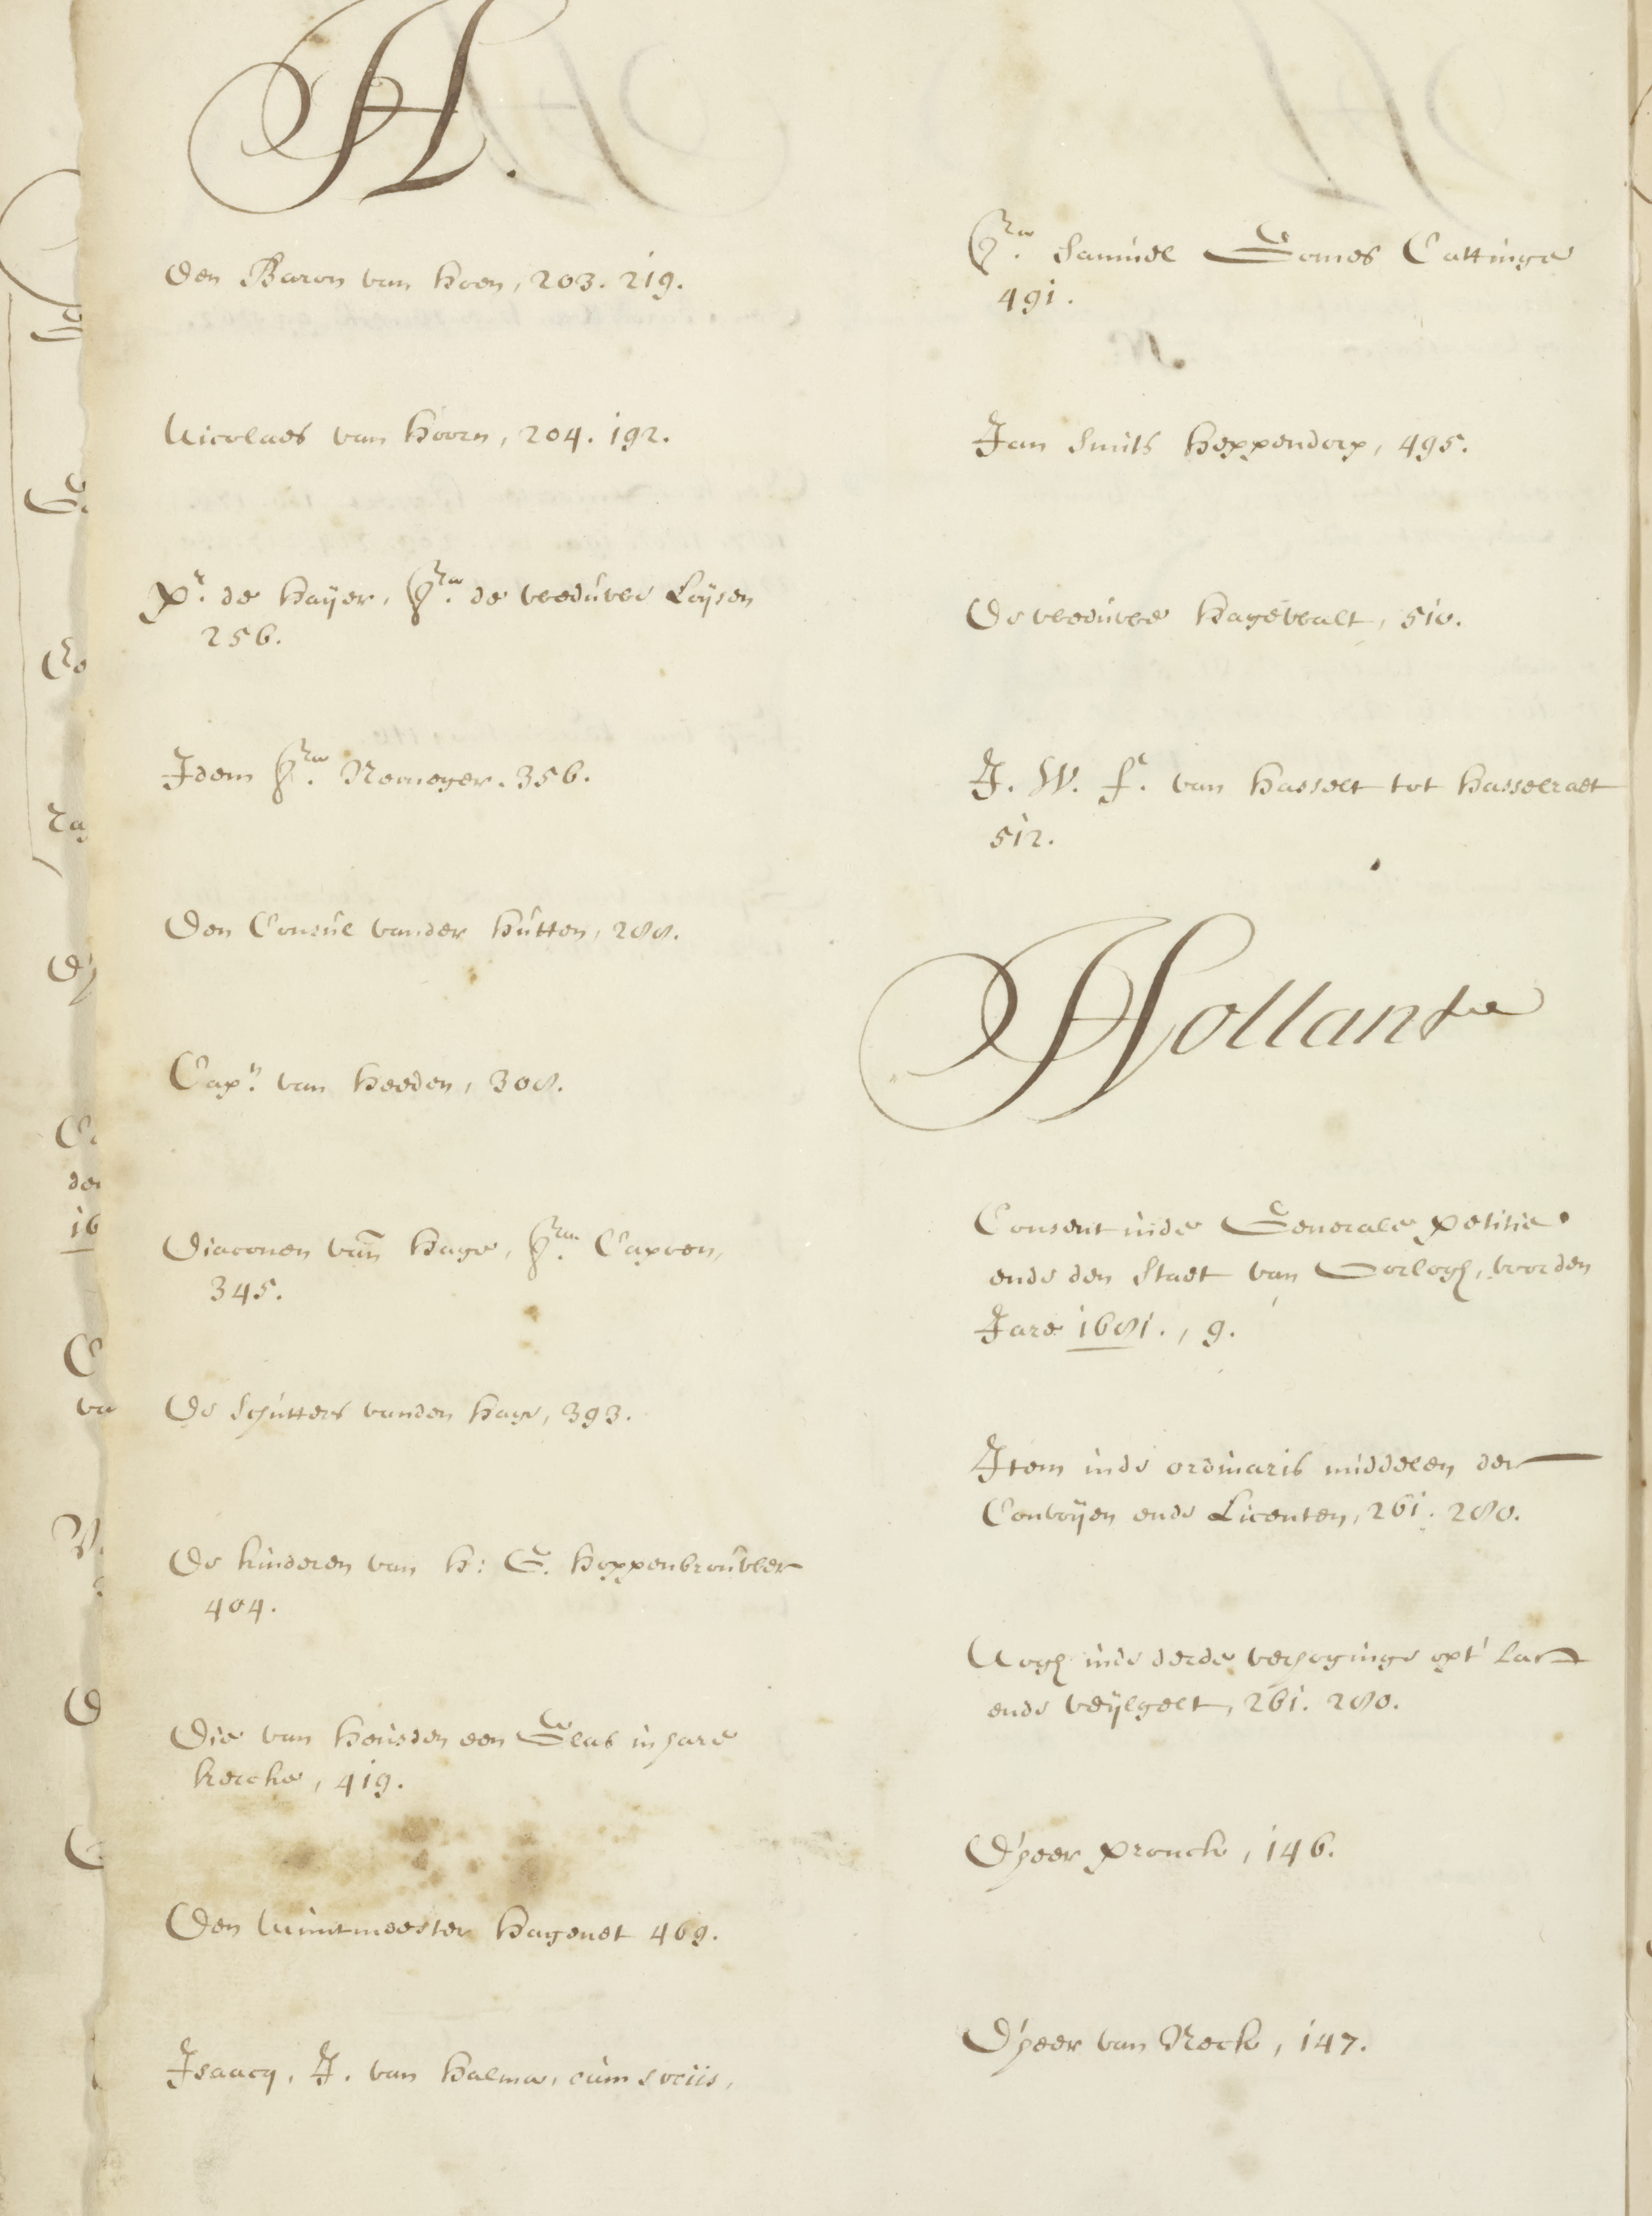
H.
Den Baron van Hoen, 203, 219
Nicolaes van Hoorn, 204, 192
Pr. de Haijer, ϭa de weduwe Leijsen
256.
Idem ϭa Nemeijer, 356.
Den Consul vander Hutten, 288.
Capn. van Heeden, 308.
Diaconen van Hage ϭa Capoen,
345.
De schutters vanden Hage, 393.
De kinderen van H: G. Hoppenbrouwer
404.
Die van Heusden een Glas in hare
kercke, 419
Den muntmeester Hagenet 469.
Isaacq, I. van Halma, cum sociis
ϭa. Samuel Gomes Cattinge
491.
Jan Smits Heppendorp, 495.
De weduwe Hagewalt, 510.
J.W.f. van Hasselt tot Hasselraet
512.
Hollant
Consent inde Generale petitie
ende den Staet van Oorlogh, voor den
Jare 1681., 9.
Item inde ordinaris middelen der
Convoijen ende Licenten, 261, 280.
Nogh inde derde verhoginge opt' Last
ende veijlgelt, 261, 280.
D'heer Pronck, 146.
D' heer van Neck, 147.
